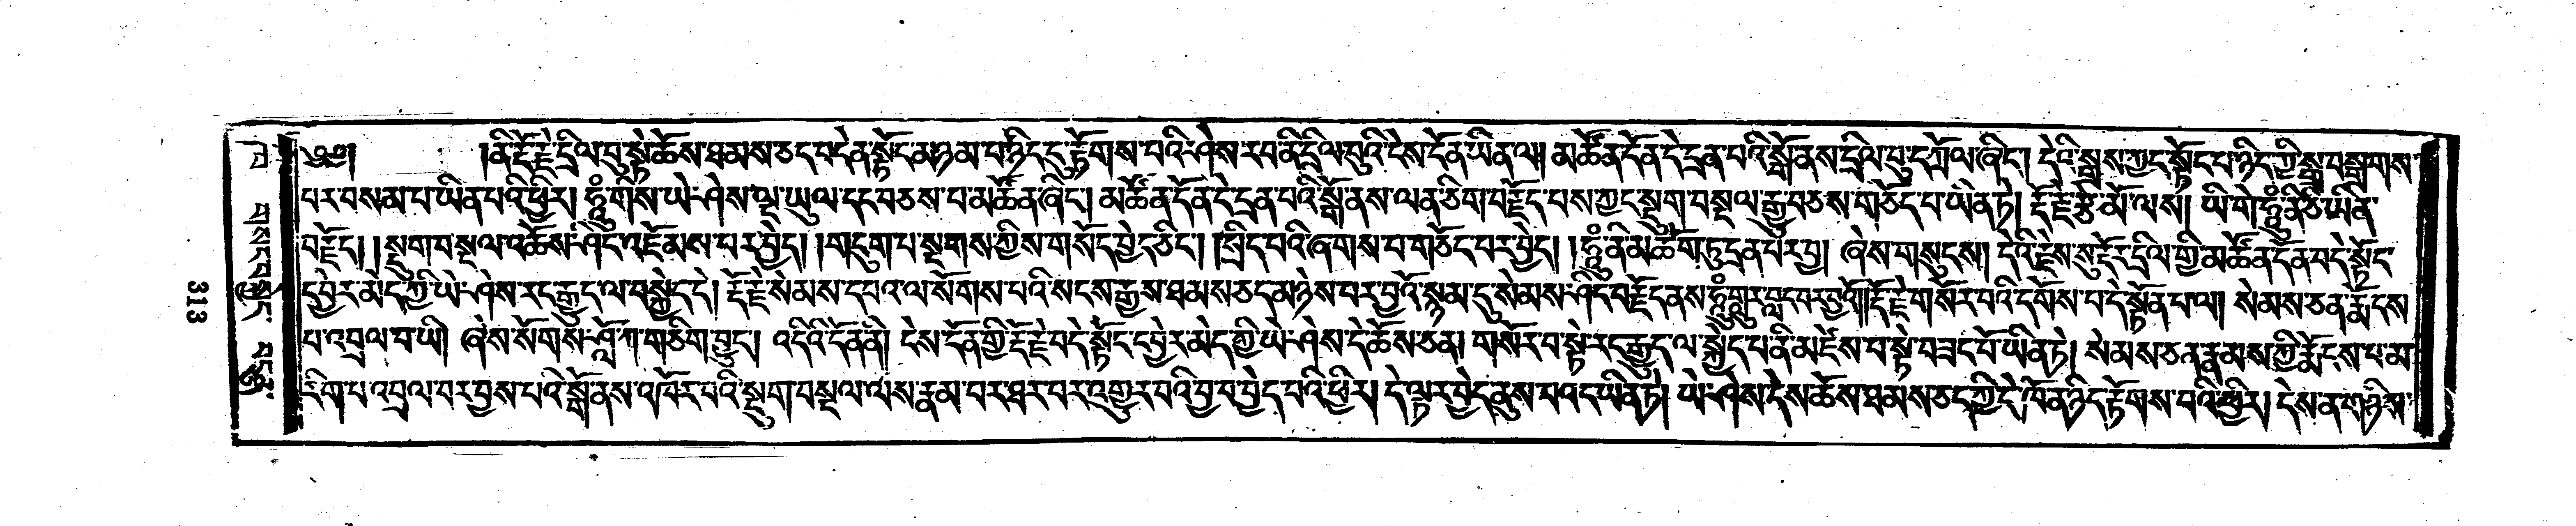༄༅། །ནི་རྡོ་རྗེ་དྲིལ་བུ་སྟེ་ཆོས་ཐམས་ཅད་བདེན་སྟོང་མཉམ་པ་ཉིད་དུ་རྟོགས་པའི་ཤེས་རབ་ནི་དྲིལ་བུའི་ངེས་དོན་ཡིན་ལ། མཚོན་དོན་དེ་དྲན་པའི་སྒོ་ནས་དྲིལ་བུ་དཀྲོལ་ཞིང་། དེའི་སྒྲས་ཀྱང་སྟོང་པ་ཉིད་ཀྱི་སྒྲ་བསྒྲགས་
པར་བསམ་པ་ཡིན་པའི་ཕྱིར། ཧཱུཾ་གིས་ཡེ་ཤེས་ལྔ་ཡུལ་དང་བཅས་པ་མཚོན་ཞིང་། མཚོན་དོན་དེ་དྲན་པའི་སྒོ་ནས་ལན་ཅིག་བརྗོད་པས་ཀྱང་སྡུག་བསྔལ་རྒྱུ་བཅས་གཅོད་པ་ཡིན་ཏེ། རྡོ་རྗེ་རྩེ་མོ་ལས། ཡི་གེ་ཧཱུཾ་ནི་ཅི་ཡིན་
བརྗོད། །སྡུག་བསྔལ་འཆོས་ཤིང་འཇོམས་པར་བྱེད། །གདུག་པ་སྔགས་ཀྱིས་གསོད་བྱེད་ཅིང་། །སྲིང་པའི་ཞགས་པ་གཅོད་པར་བྱེད། །ཧཱུཾ་ནི་མཆོག་ཏུ་དྲན་པར་བྱ། ཞེས་གསུངས། དེའི་རྗེས་སུ་རྡོར་དྲིལ་གྱི་མཚོན་དོན་བདེ་སྟོང་
དབྱེར་མེད་ཀྱི་ཡེ་ཤེས་རང་རྒྱུད་ལ་བསྐྱེད་དེ། རྡོ་རྗེ་སེམས་དཔའ་ལ་སོགས་པའི་སངས་རྒྱས་ཐམས་ཅད་མཉེས་པར་བྱའོ་སྙམ་དུ་སེམས་ཤིང་བརྗོད་ནས་ཧཱུཾ་གླུར་བླང་བར་བྱའོ། །རྡོ་རྗེ་གསོར་བའི་དགོས་པ་དེ་སྟོན་པ་ལ། སེམས་ཅན་རྨོངས་
པ་འབྲལ་བ་ཡི། ཞེས་སོགས་ཤློ་ཀ་གཅིག་བྱུང་། འདིའི་དོན་ནི། ངེས་དོན་གྱི་རྡོ་རྗེ་བདེ་སྟོང་དབྱེར་མེད་ཀྱི་ཡེ་ཤེས་དེ་ཆོས་ཅན། གསོར་བ་སྟེ་རང་རྒྱུད་ལ་སྐྱེད་པ་ནི་མཛེས་པ་སྟེ་བཟང་པོ་ཡིན་ཏེ། སེམས་ཅན་རྣམས་ཀྱི་རྨོངས་པ་མ་
རིག་པ་འབྲལ་བར་བྱས་པའི་སྒོ་ནས་འཁོར་བའི་སྡུག་བསྔལ་ལས་རྣམ་པར་ཐར་བར་འགྱུར་བའི་བྱ་བ་བྱེད་པའི་ཕྱིར། དེ་ལྟར་བྱེད་ནུས་པའང་ཡིན་ཏེ། ཡེ་ཤེས་དེས་ཆོས་ཐམས་ཅད་ཀྱི་དེ་ཁོ་ན་ཉིད་རྟོགས་པའི་ཕྱིར། དེས་ན་གཉིས་